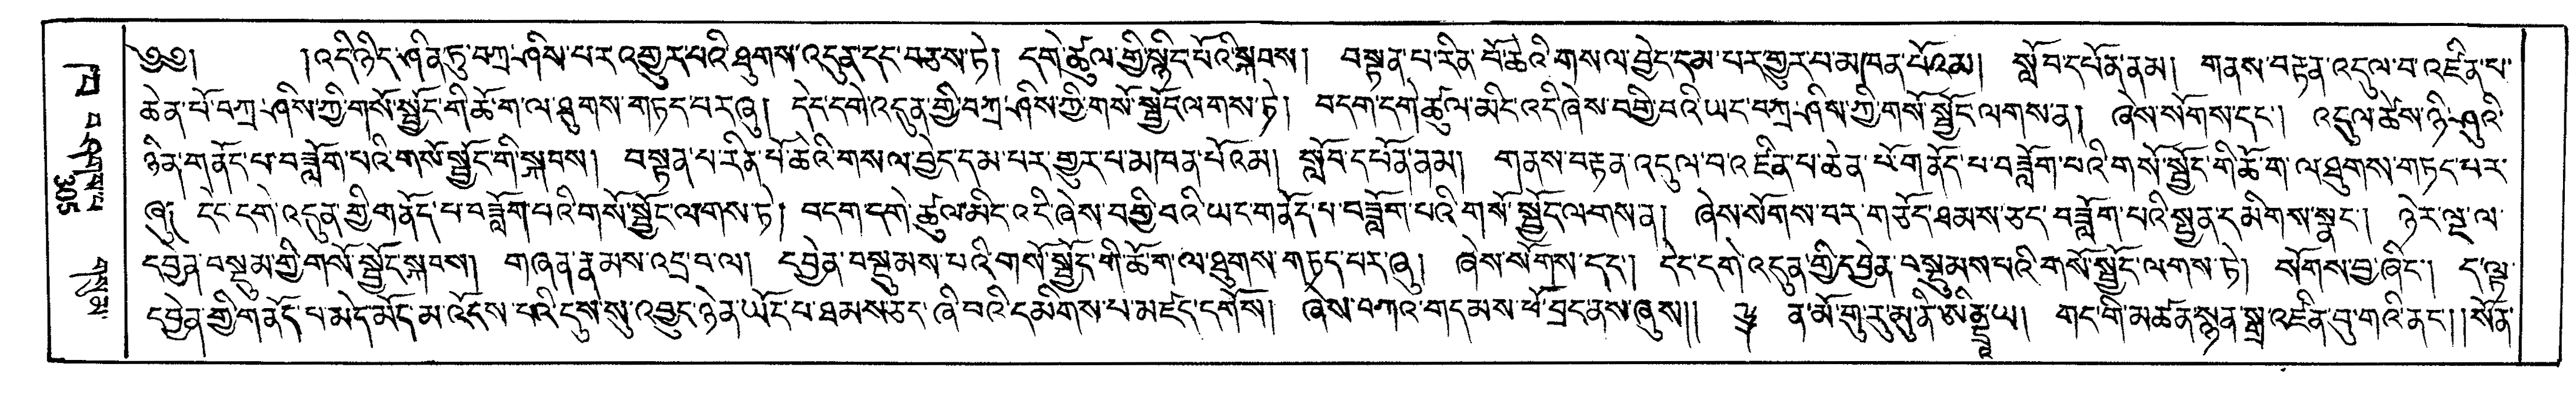༄༅། །འདི་ཉིད་ཤིན་ཏུ་བཀྲ་ཤིས་པར་འགྱུར་བའི་ཐུགས་འདུན་དང་བཅས་ཏེ། དགེ་ཚུལ་གྱི་སྙིང་པོའི་སྐབས། བསྟན་པ་རིན་པོ་ཆེའི་གསལ་བྱེད་དམ་བར་གྱུར་པ་མཁན་པོའམ། སློབ་དཔོན་ནམ། གནས་བརྟན་འདུལ་བ་འཛིན་པ་
ཆེན་པོ་བཀྲ་ཤིས་ཀྱི་གསོ་སྦྱོང་གི་ཆོ་ག་ལ་ཐུགས་གཏད་པར་ཞུ། དེང་དགེ་འདུན་གྱི་བཀྲ་ཤིས་ཀྱི་གསོ་སྦྱོད་ལགས་ཏེ། བདག་དགེ་ཚུལ་མིང་འདི་ཞེས་བགྱི་བའི་ཡང་བཀྲ་ཤིས་ཀྱི་གསོ་སྦྱོང་ལགས་ན། ཞེས་སོགས་དང་། འདུལ་ཚེས་ཉི་ཤུའི་
ཉིན་གནོད་པ་བཟློག་བའི་གསོ་སྦྱོང་གི་སྐབས། བསྟན་པ་རིན་པོ་ཆེའི་གསལ་བྱེད་དམ་པར་གྱུར་པ་མཁན་པོའམ། སློབ་དཔོན་ནམ། གནས་བརྟན་འདུལ་བ་འཛིན་པ་ཆེན་པོ་གནོད་པ་བཟློག་པའི་གསོ་སྦྱོང་གི་ཆོ་ག་ལ་ཐུགས་གཏད་པར་
ཞུ༑ དེང་དགེ་འདུན་གྱི་གནོད་པ་བཟློག་པའི་གསོ་སྦྱོང་ལགས་ཏེ། བདག་དགེ་ཚུལ་མིང་འདི་ཞེས་བགྱི་བའི་ཡང་གནོད་པ་བཟློག་པའི་གསོ་སྦྱོང་ལགས་ན། ཞེས་སོགས་བར་གཅོད་ཐམས་ཅད་བཟློག་པའི་སྤྱན་དམིགས་སྣང་། ཉེར་ལྔ་ལ་
དབྱེན་བསྡུམ་གྱི་གསོ་སྦྱོང་སྐབས། གཞན་རྣམས་འདྲ་བ་ལ། དབྱེན་བསྡུམས་པའི་གསོ་སྦྱོང་གི་ཆོ་ག་ལ་ཐུགས་གཏད་པར་ཞུ། ཞེས་སོགས་དང་། དེང་དགེ་འདུན་གྱི་དབྱེན་བསྡུམས་པའི་གསོ་སྦྱོང་ལགས་ཏེ། སོགས་བྱ་ཞིང་། ད་ལྟ་
དབྱེན་གྱི་གནོད་པ་མེད་མོད་མ་འོངས་པའི་དུས་སུ་འབྱུང་ཉེན་ཡོད་པ་ཐམས་ཅད་ཞི་བའི་དམིགས་པ་མཛད་དགོས། ཞེས་བཀའ་གདམས་ཕོ་བྲང་ནས་ཞུས།། ༈ ན་མོ་གུ་རུ་མུ་ནི་ཨིནྡྲཱ་ཡ། གང་གི་མཚན་སྙན་སྒྲ་འཛིན་བུ་གའི་ནང་། །སོན་